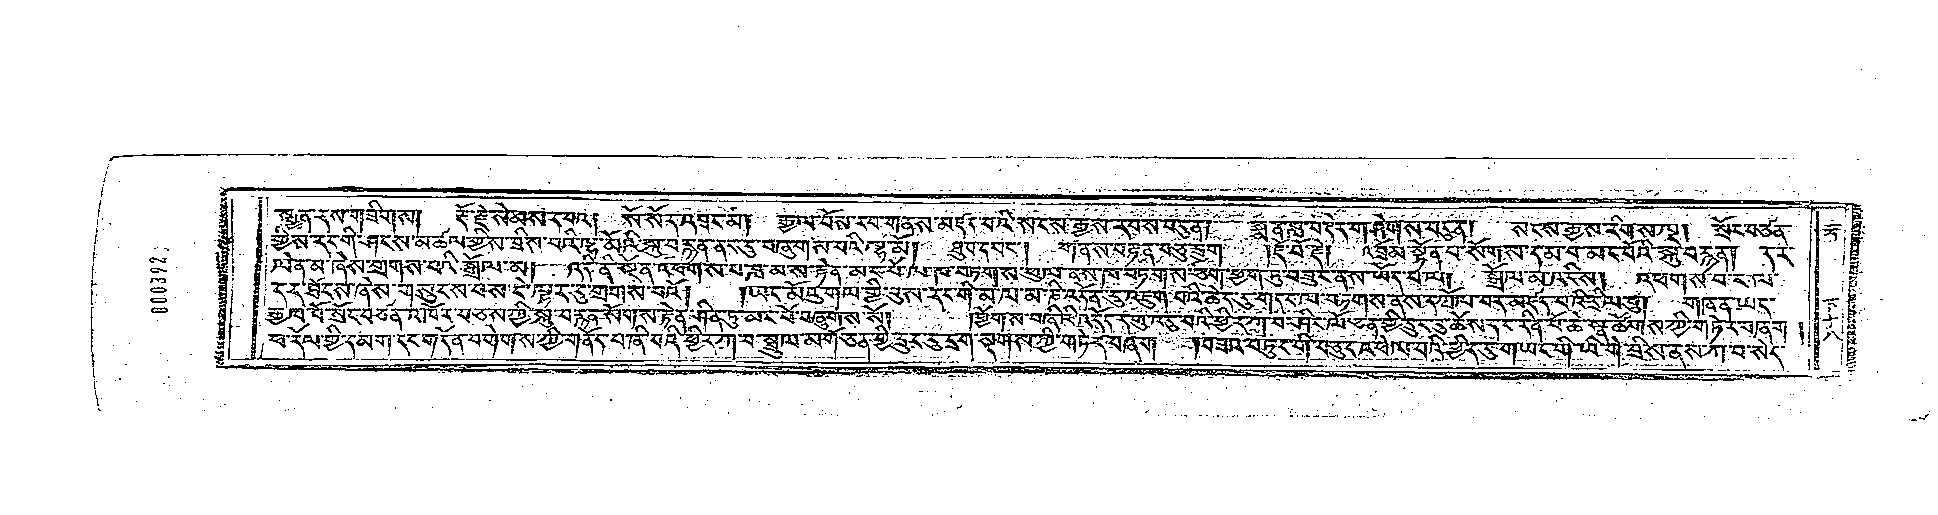སྤྱན་རས་གཟིགས། རྡོ་རྗེ་སེམས་དཔའ། སོ་སོར་འབྲང་མ། རྒྱལ་པོས་རབ་གནས་མཛད་པའི་སངས་རྒྱས་རབས་བདུན། སྨན་བླ་བདེར་གཤེགས་བདུན། སངས་རྒྱས་རིགས་ལྔ། སྲོང་བཙན་
གྱིས་རང་གི་ཤངས་མཚལ་གྱིས་བྲིས་བའི་ལྷ་མོའི་སྐུ་བརྙན་ནང་དུ་བཞུགས་པའི་ལྷ་མོ། ཐུབ་དབང་། གནས་བརྟན་བཅུ་དྲུག །ཇོ་བོ་རྗེ། འབྲོམ་སྟོན་པ་སོགས་དམ་པ་མང་པོའི་སྐུ་བརྙན། དར་
ལེན་མ་ཞེས་གྲགས་པའི་སྒྲོལ་མ། འདི་ནི་སྔོན་འཕགས་པ་བླ་མས་རྟེན་མང་པོ་ལ་ཁ་བཏགས་ཕུལ་ནས་ཁ་བཏགས་ཅིག་ཕྱག་ཏུ་བཟུང་ནས་ཡོད་པ་ལ། སྒྲོལ་མ་འདིས། འཕགས་པ་ང་ལ་
དར་ཐོངས་ཞེས་གསུངས་པས་དེ་ལྟར་དུ་གྲགས་པའོ། །ཡང་མོའུ་གལ་གྱི་བུས་རང་གི་མ་ལ་མ་ཎི་འདོན་དུ་འཇུག་པའི་ཆེད་དུ་གདང་ལ་བཏགས་ནས་དཀྲོལ་བར་མཛད་པའི་དྲིལ་བུ། གཞན་ཡང་
རྒྱལ་པོ་སྲོང་བཙན་འཁོར་བཅས་ཀྱི་སྐུ་བརྙན་སོགས་རྟེན་ཤིན་ཏུ་མང་པོ་བཞུགས་སོ། །ཕྱོགས་བཞིའི་འདོད་དགུ་འདུ་བའི་ཕྱིར་ཀ་བ་ཤིང་ལོ་ཅན་གྱི་དྲུང་དུ་ཆོས་དང་རིན་པོ་ཆེ་སྣ་ཚོགས་ཀྱི་གཏེར་བཞག །
ཕ་རོལ་གྱི་དམག་དང་གདོན་བགེགས་ཀྱི་གནོད་པ་ཞི་བའི་ཕྱིར་ཀ་བ་སྤྲུལ་མགོ་ཅན་གྱི་དྲུང་དུ་དྲག་སྔགས་ཀྱི་གཏེར་བཞག །བཟའ་བཏུང་གི་བཅུང་འཕེལ་བའི་ཕྱིར་དུ་གཡང་གི་ཡི་གེ་བྲིས་ནས་ཀ་བ་སེང་